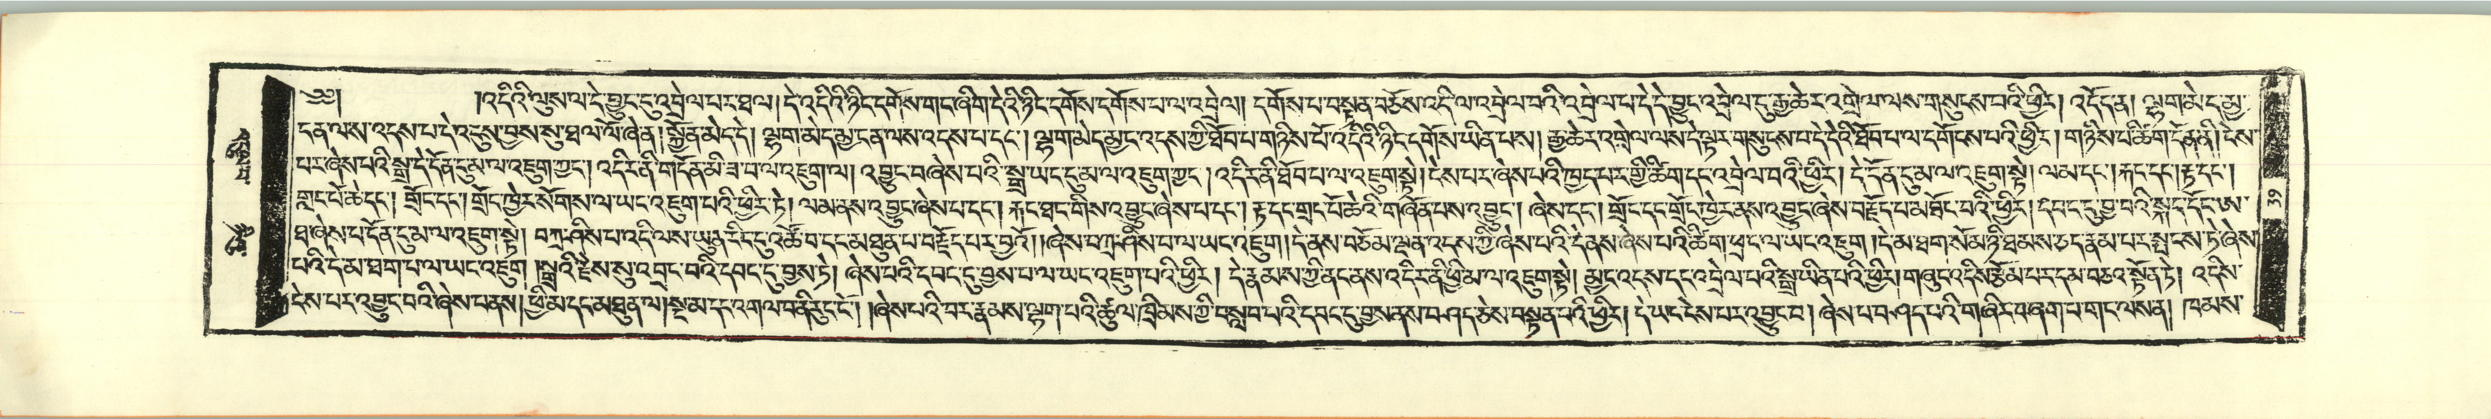༄༅། །འདིའི་ལུས་ལ་དེ་བྱུང་དུ་འབྲེལ་པར་ཐལ། དེ་འདིའི་ཉིང་དགོས་གང་ཞིག་དེའི་ཉིང་དགོས་དགོས་པ་ལ་འབྲེལ། དགོས་པ་བསྟན་བཅོས་འདི་ལ་འབྲེལ་བའི་འབྲེལ་པ་དེ་དེ་བྱུང་འབྲེལ་དུ་རྒྱ་ཆེར་འགྲེལ་ལས་གསུངས་པའི་ཕྱིར། འདོད་ན། ལྷག་མེད་མྱ་
ངན་ལས་འདས་པ་དེ་འདུས་བྱས་སུ་ཐལ་ལོ་ཞེ་ན། སྐྱོན་མེད་དེ། ལྷག་མེད་མྱ་ངན་ལས་འདས་པ་དང་། ལྷག་མེད་མྱང་འདས་ཀྱི་ཐོབ་པ་གཉིས་པོ་འདིའི་ཉིད་དགོས་ཡིན་པས། རྒྱ་ཆེར་འགྲེལ་ལས་དེ་ལྟར་གསུངས་པ་དེ་དེའི་ཐོབ་པ་ལ་དགོངས་པའི་ཕྱིར། གཉིས་པ་ཚིག་དོན་ནི། ངེས་
པར་ཞེས་པའི་སྒྲ་དེ་དོན་དུ་མ་ལ་འཇུག་ཀྱང་། འདིར་ནི་གདོན་མི་ཟ་བ་ལ་འཇུག་ལ། འབྱུང་བཞེས་པའི་སྒྲ་ཡང་དུ་མ་ལ་འཇུག་ཀྱང་། འདིར་ནི་ཐོབ་པ་ལ་འཇུག་སྟེ། ངེས་པར་ཞེས་པའི་ཁྱད་པར་གྱི་ཚིག་དང་འབྲེལ་བའི་ཕྱིར། དེ་དོན་དུ་མ་ལ་འཇུག་སྟེ། ལམ་དང་། རྐང་དང་། རྟ་དང་།
གླང་པོ་ཆེ་དང་། གྲོང་དང་། གྲོང་ཁྱེར་སོགས་ལ་ཡང་འཇུག་པའི་ཕྱིར་ཏེ། ལམ་ནས་འབྱུང་ཞེས་པ་དང་། རྐང་ཐང་གིས་འབྱུང་ཞེས་པ་དང་། རྟ་དང་གྲང་པོ་ཆེའི་གཞོན་པས་འབྱུང་། ཞེས་དང་། གྲོང་དང་གྲོང་ཁྱེར་ནས་འབྱུང་ཞེས་བརྗོད་པ་མཐོང་པའི་ཕྱིར། དབང་དུ་བྱ་བའི་སྐད་དོང་ཨ་
ཐ་ཞེས་པ་དོན་དུ་མ་ལ་འཇུག་སྟེ། བཀྲ་ཤིས་པ་འདི་ལས་ཡུན་རིང་དུ་འཚོ་བ་དང་མཐུན་པ་བརྗོད་པར་བྱའོ། །ཞེས་བཀྲ་ཤིས་པ་ལ་ཡང་འཇུག། དེ་ནས་བཅོམ་ལྡན་འདས་ཀྱི་ཞེས་པའི་དེ་ནས་ཞེས་པཱྀ་ཚིག་ཕྲང་ལ་ཡང་འཇུག། དེ་མ་ཐག་སོ་མ་ཉི་ཐམས་ཅད་རྣམ་པར་སྤངས་ཏེ་ཞེས་
པའི་དེ་མ་ཐག་པ་ལ་ཡང་འཇུག །སྒྲའི་རྗེས་སུ་འབྲང་བའི་དབང་དུ་བྱས་ཏེ། ཞེས་པའི་དབང་དུ་བྱས་པ་ལ་ཡང་འཇུག་པའི་ཕྱིར། དེ་རྣམས་ཀྱི་ནང་ནས་འདིར་ནི་ཕྱི་མ་ལ་འཇུག་སྟེ། མྱང་འདས་དང་འབྲེལ་བའི་སྒྲ་ཡིན་པའི་ཕྱིར། གཞུང་འདིས་རྩོམ་པར་དམ་བཅའ་སྟོན་ཏེ། འདིས་
ངེས་པར་འབྱུང་བའི་ཞེས་པ་ནས། ཕྱི་མ་དང་མཐུན་ལ། སྔ་མ་དང་འགལ་བ་ནི་རུང་ངོ། །ཞེས་པའི་བར་རྣམས་ལྷག་པའི་ཚུལ་ཁྲིམས་ཀྱི་བསླབ་པའི་དབང་དུ་བྱས་ནས་བཤད་ཅེས་བསྟན་པའི་ཕྱིར། དེ་ཡང་ངེས་པར་འབྱུང་བ། ཞེས་པ་བཤད་པའི་གཞིར་བཞག་པ་གང་ལས་ན། ཁམས་